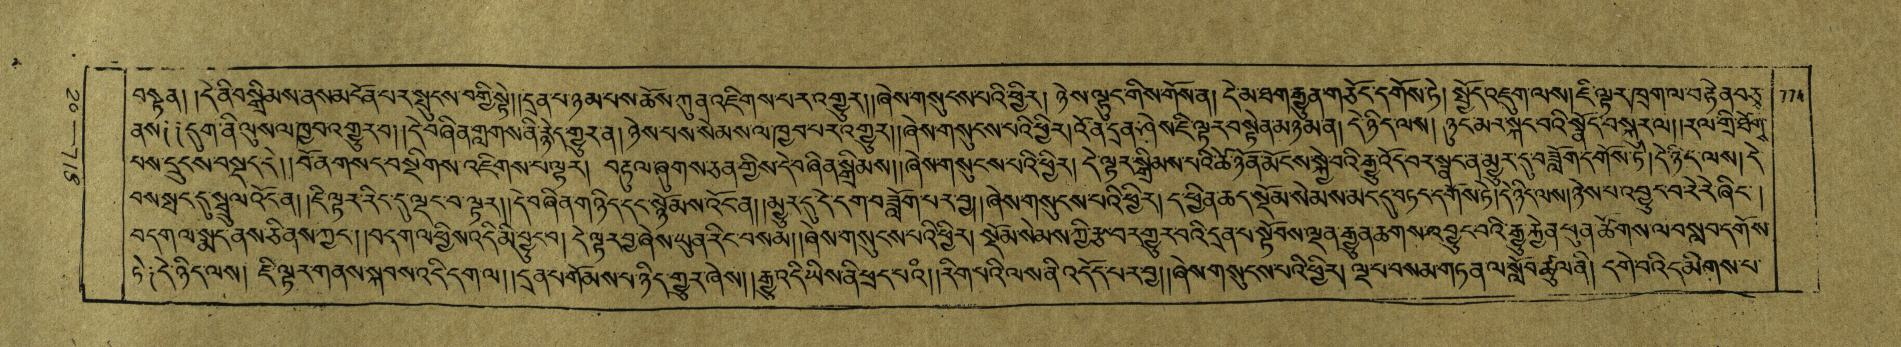བསྟན། །དེ་ནི་བསྒྲིམས་ནས་མངོན་པར་སྤུངས་བགྱི་སྟེ། །དྲན་པ་ཉམ་པས་ཆོས་ཀུན་འཇིགས་པར་འགྱུར། །ཞེས་གསུངས་པའི་ཕྱིར། ཉེས་ལྟུང་གིས་གོས་ན། དེ་མ་ཐག་རྒྱུན་གཅོང་དགོས་ཏེ། སྤྱོད་འཇུག་ལས། ཇི་ལྟར་ཁྲག་ལ་བརྟེན་བཅས་
ནས༑ ༑དུག་ནི་ལུས་ལ་ཁྱབ་འགྱུར་བ། །དེ་བཞིན་གླགས་ནི་རྙེད་གྱུར་ན། ཉེས་པས་སེམས་ལ་ཁྱབ་པར་འགྱུར། །ཞེས་གསུངས་པའི་ཕྱིར། འོ་ན་དྲན་ཤེས་ཇི་ལྟར་བསྟེན་མཉམ་ན། དེ་ཉིད་ལས། ཉུང་མར་སྐང་བའི་སྣོད་བསྐུར་ལ། །རལ་གྲི་ཐོགས་
པས་དྲུངས་བསྡད་དེ། །བོ་ན་གསད་བསྡིགས་འཇིགས་པ་ལྟར། བརྟུལ་ཞུགས་ཅན་གྱིས་དེ་བཞིན་སྒྲིམས། །ཞེས་གསུངས་པའི་ཕྱིར། དེ་ལྟར་སྒྲིམས་པའི་ཚེ་ཉོན་མོངས་སྐྱེ་བའི་རྒྱུ་འོད་བར་སྣང་ན་མྱུར་དུ་བཟློག་དགོས་ཏེ། དེ་ཉིད་ལས། དེ་
བས་སྤང་དུ་སྦྲུལ་འོང་ན། །ཇི་ལྟར་རིང་དུ་ལྡང་བ་ལྟར། །དེ་བཞིན་གཉིད་དང་སྙོམས་འོང་ན། །མྱུར་དུ་དེ་དག་བཟློག་པར་བྱ། །ཞེས་གསུངས་པའི་ཕྱིར། ད་ཕྱིན་ཆད་སྡོམ་སེམས་མང་དུ་བཏང་དགོས་ཏེ། དེ་ཉིད་ལས། ཉེས་པ་འབྱུང་བ་རེ་རེ་ཞིང་།
བདག་ལ་སྨད་ནས་ཅི་ནས་ཀྱང་། །བདག་ལ་ཕྱིས་འདི་མི་བྱུང་བ། དེ་ལྟར་བྱ་ཞེས་ཡུན་རིང་བསམ། །ཞེས་གསུངས་པའི་ཕྱིར། སྡོམ་སེམས་ཀྱི་རྩ་བར་གྱུར་བའི་དྲན་པ་སྟོབས་ལྡན་རྒྱུན་ཆགས་འབྱུང་བའི་རྒྱུ་རྐྱེན་ཕུན་ཚོགས་ལ་བསླབ་དགོས་
ཏེ༑ དེ་ཉིད་ལས། ཇི་ལྟར་གནས་སྐབས་འདི་དག་ལ། །དྲན་པ་གོམས་པ་ཉིད་གྱུར་ཞེས། །རྒྱུ་འདི་ཡིས་ནི་ཕྲད་པའཾ། །རིག་པའི་ལས་ནི་འདོད་པར་བྱ། །ཞེས་གསུངས་པའི་ཕྱིར། ལྔ་པ་བསམ་གཏན་ལ་སློབ་ཚུལ་ནི། དགེ་བའི་དམིགས་པ་